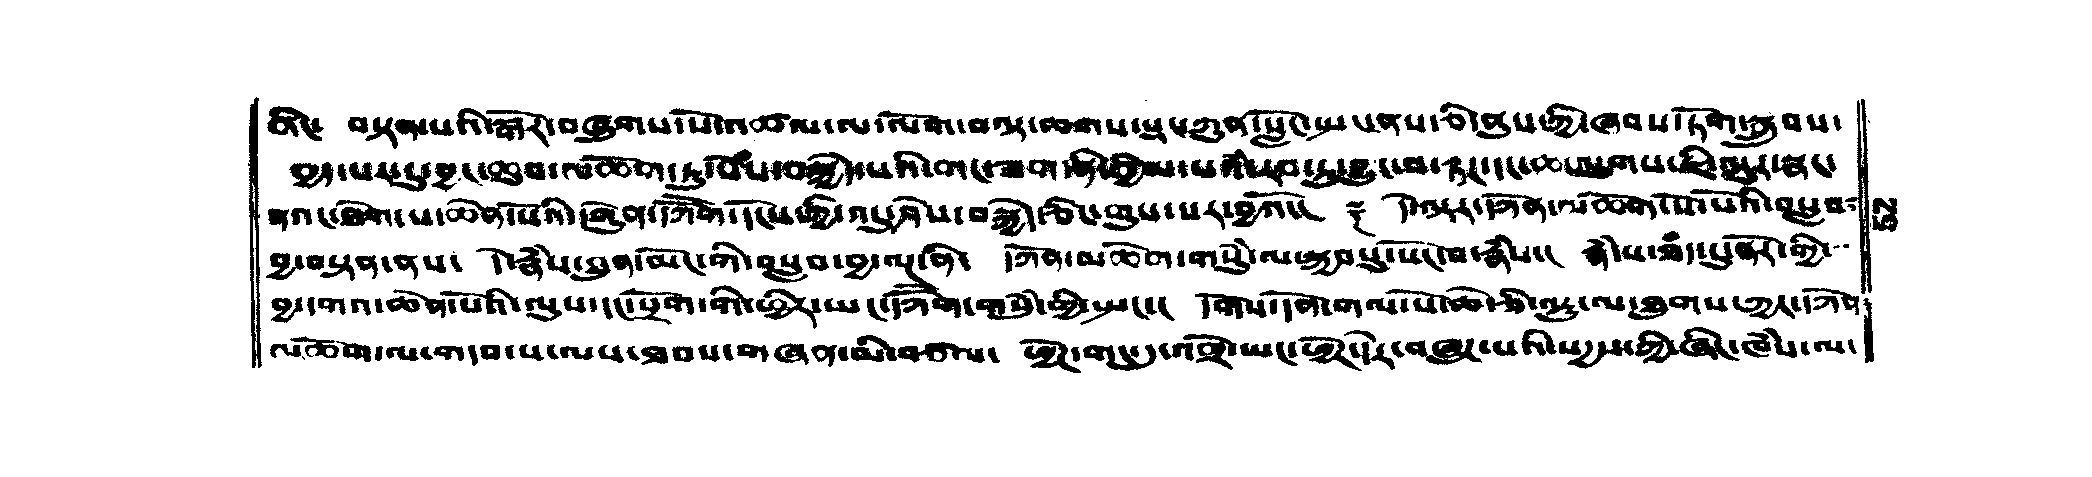ཞིང་། བསྟན་པའི་སྒོར་བཞུགས་སོ་འཚལ་ལ་ལོག་བལྟ་ཆགས་སྡང་ཀུན་སློང་སྤང་ནས་ཅི་ནུས་ཀྱི་ཞབས་ཏོག་སྒྲུབས་
ཁྱད་པར་དུ་བྱང་ཆུབ་མཆོག་ཏུ་སེམས་བསྐྱེད་པའི་གང་ཟག་ནི་ཁྱིམ་པའམ་རབ་ཏུ་བྱུང་བ་རྟགས་དང་ཆ་ལུགས་ཇི་ལྟ་བུར་སྣང་
ནའང་ཐེག་པ་ཆེན་པོའི་དགེ་འདུན་དཀོན་མཆོག་དངོས་ཀྱི་འདུ་ཤེས་བསྐྱེད་ཅིག་གུས་པར་བྱའོ། ༈ དེ་ལྟར་དཀོན་མཆོག་སོ་སོའི་བསླབ་
བྱ་བསྟན་ནས། དེ་རྣམས་ཐུན་མོང་གི་བསླབ་བྱ་ལྔ་ནི། དཀོན་མཆོག་གསུམ་ལ་སྐྱབས་སུ་སོང་བ་རྣམས། རྣམ་པ་ཐམས་ཅད་དུ་ནོར་གྱི་
བྱ་དགའ་ཆེན་པོའི་ལུས་དང་སྲོག་གི་ཕྱིར་ཡང་དཀོན་མཆོག་གསུམ་གྱི་སྤང་།དགོས་དོན་གལ་པོ་ཆེ་ཅི་ལྟ་བུ་ལ་ཐུགས་ཀྱང་དཀོན་
མཆོག་ལ་གདབ་པ་ལས་ཏབས་གཞན་ནི་བཙལ། ཕྱོགས་གང་དུ་འགྲོ་ཡང་ཕྱོགས་དེར་བཞུགས་པའི་སངས་རྒྱས་ཀྱི་ཞིང་ཁམས་ལ་